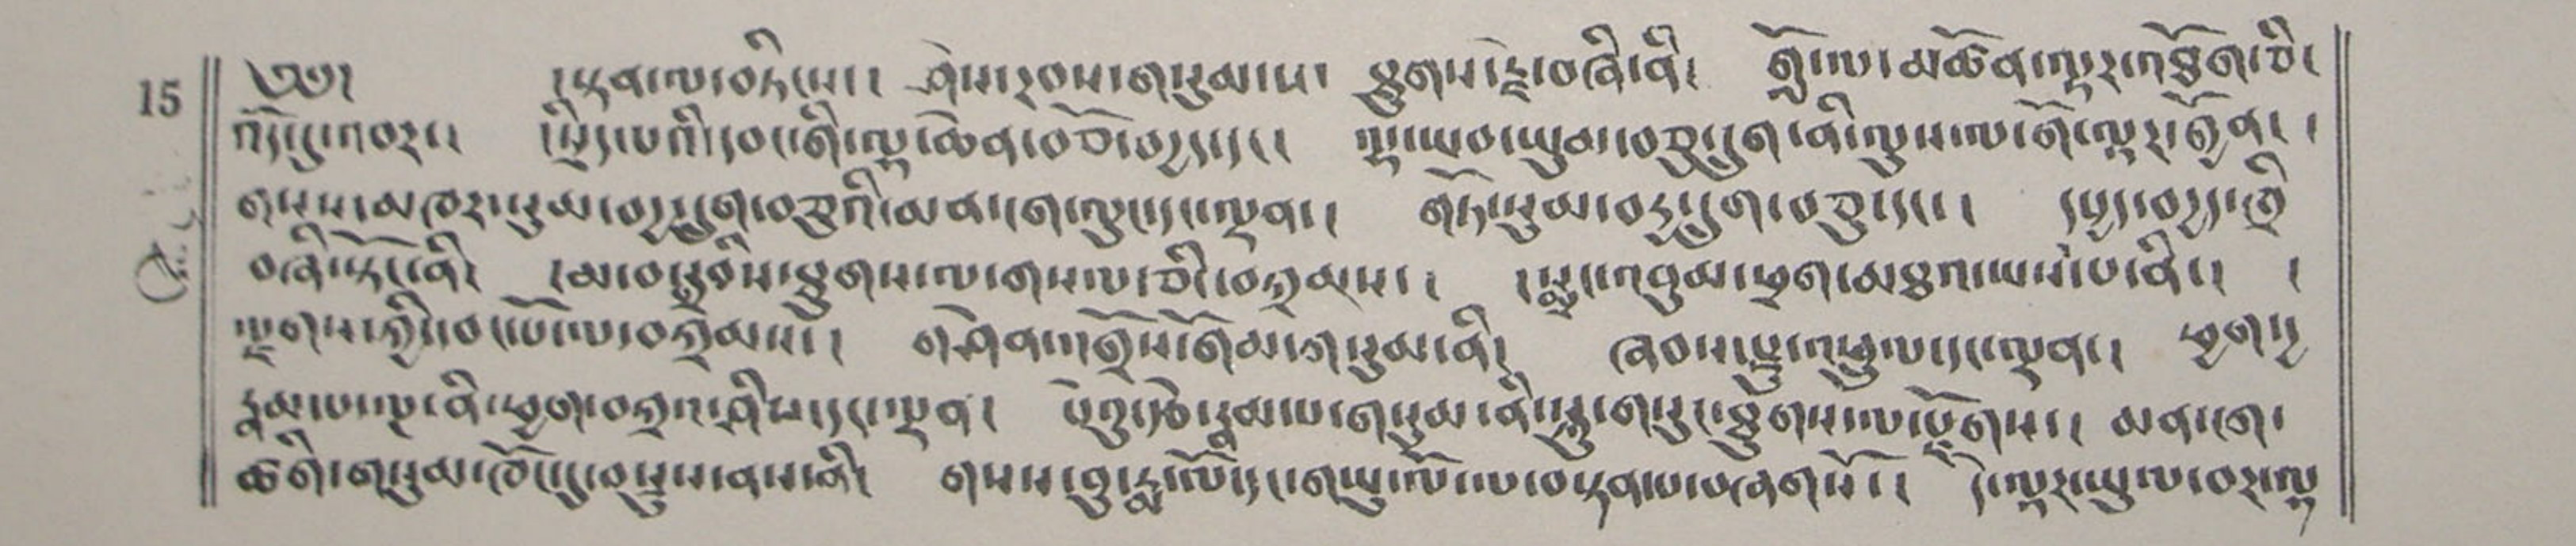༄༅། །སྟན་ལ་བཏིངས། ཤེས་རབ་གསུམ་དང་ཐུགས་རྗེ་བཞི་ནི། གློ་ལ་མཚོན་ལྟར་འཐོག་ཅིང་
འོད་དུ་འབར། སྲིད་པའི་དབང་གི་ལྷ་ཆེན་བཅོ་བརྒྱད་དང་། ལྷ་ཡབ་ཡུམ་བཅུ་དྲུག་ནི་ལུས་ལ་གོ་ལྟར་གྱོན།
 གསས་མཁར་སུམ་བརྒྱ་དྲུག་བཅུའི་མན་ངག་ལུང་དང་ལྡན། གཏོའ་སུམ་བརྒྱ་དྲུག་བཅུ་དང་། དཔྱད་བརྒྱད་ཁྲི་
བཞི་སྟོང་ནི། མ་བསྒྲིབས་ཐུགས་ལ་གསལ་ཅིང་བཀྲམས། སྨྲང་འབུམ་ཕྲག་མཐའ་ཡས་པ་ནི། 
ལྗགས་ཀྱི་དབང་པོ་ལ་བཀྲམས། གཤེན་འགྲོས་གོམ་གསུམ་ནི། ཞབས་རྫུ་འཕྲུལ་དང་ལྡན། ཕྱག་རྒྱ་
རྣམ་པ་ལྔ་ནི་ཕྱག་བཀྲ་ཤིས་དང་ལྡན། དཔེའུ་རྩེ་རྣམ་པ་གསུམ་ནི་སྐུ་གསུང་ཐུགས་ལ་རྫོགས། མན་ངག་
ཚིག་གསུམ་ཁོང་དུ་བསྡུས་ནས་ནི། གསས་བུ་རྨ་ལོ་དང་གཡུའ་ལོ་གཉིས་ལ་བསྟན་པ་བཞག་གོ དེ་ལྟར་ན་ཡུལ་བར་ལྷ་